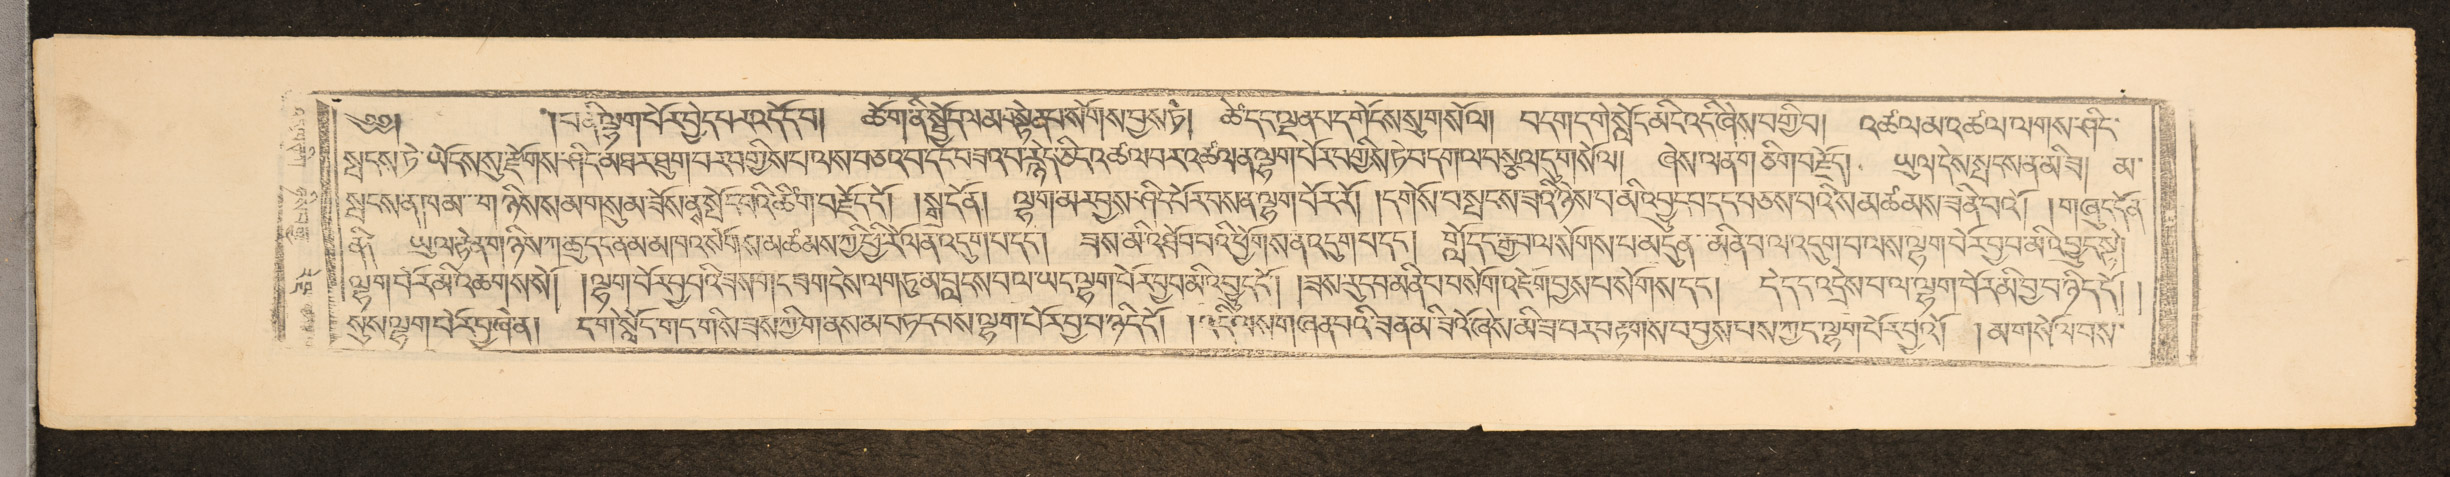༄༅། །པ་ནི་ལྷག་པོར་བྱེད་པར་འདོད་པ། ཆོག་ནི་སྤྱོད་ལམ་བསྟེན་པ་སོགས་བྱས་ཏེ། ཚེ་དང་ལྡན་པ་དགོངས་སུ་གསོལ། བདག་དགེ་སློང་མིང་འདི་ཞེས་བགྱི་བ། འཚལ་མ་འཚལ་ལགས་ཤིང་
སྤངས་ཏེ་ཡོངས་སུ་རྫོགས་ཤིང་མཐར་ཐུག་པར་བགྱིས་པ་ལས་བཅའ་བ་དང་བཟའ་བ་རྙེད་ཅིང་འཚལ་བར་འཚལ་ན་ལྷག་པོར་བགྱིས་ཏེ་བདག་ལ་བསྩལ་དུ་གསོལ། ཞེས་ལན་གཅིག་བརྗོད། ཡུལ་དེས་སྤངས་ན་མི་ཟ། མ་
སྤངས་ན་ཁམ་གཉིས་སམ་གསུམ་ཟོས་ནས་སྤྱོང་བའི་ཚིག་བརྗོད་དོ། །སྒྲ་དོན། ལྷག་མར་བྱས་ཤིང་པོར་བས་ན་ལྷག་པོར་རོ། །དགོས་པ་སྤངས་ཟའི་ཉེས་པ་མི་འབྱུང་བ་དང་བཅས་པའི་ས་མཚམས་ཟིན་པའོ། །གཞུང་དོན་
ནི༑ ཡུལ་རྟེན་གཉིས་ཀ་ཆུ་དང་ནམ་མཁའ་སོགས་མཚམས་ཀྱི་ཕྱི་རོལ་ན་འདུག་པ་དང་། ཟས་མི་འཐོབ་པའི་ཕྱོགས་ན་འདུག་པ་དང་། གློ་དང་རྒྱབ་ལ་སོགས་པ་མདུན་མིན་པ་ལ་འདུག་པ་ལས་ལྷག་པོར་བྱ་བ་མི་འབྱུང་སྟེ།
ལྷག་པོར་མི་འཆགས་སོ། །ལྷག་པོར་བྱ་བའི་ཟས་གང་ཟག་ངེས་ལ་ཏུ་མ་བླངས་པ་ལ་ཡང་ལྷག་པོར་བྱ་བ་མི་འབྱུང་ངོ། །ཟས་རུང་བ་མིན་པ་བསོག་འཇོག་བྱས་པ་སོགས་དང་། དེ་དང་འདྲེས་པ་ལ་ལྷག་པོར་མི་བྱ་བ་ཉིད་དོ། །
སུས་ལྷག་པོར་བྱ་ཞེ་ན། དགེ་སློང་གང་གིས་ཟས་ཀྱི་གནས་མ་བཏད་པས་ལྷག་པོར་བྱ་བ་ཉིད་དོ། །འདི་ལས་གཞན་པའི་ཟན་མི་ཟའོ་ཞེས་མི་ཟ་བར་བརྟགས་པ་བྱས་པས་ཀྱང་ལྷག་པོར་བྱའོ། །མ་གསོལ་བས་